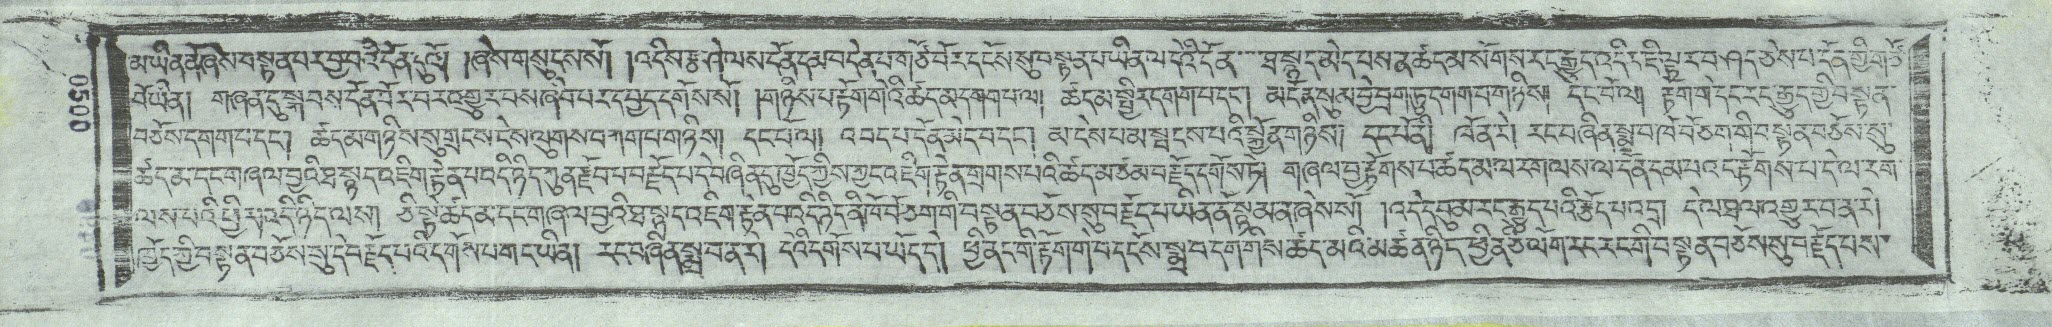མ་ཡིན་ནོ་ཞེས་བསྟན་པར་བྱ་བའི་དོན་དུའོ། །ཞེས་གསུངས་སོ། །འདིས་རྩ་ཤེ་ལས་དོན་དམ་གདོན་པ་གཙོ་བོར་དངོས་སུ་བསྟན་པ་ཡིན་ལ་དེའི་དོན་ཐ་སྙད་མེད་པས་ན་ཚད་མ་སོགས་རང་རྒྱུད་འདིར་ཇི་ལྟར་བཤད་ཅེས་པ་དོན་གྱི་གཙོ་
བོ་ཡིན། གཞན་དུ་སྐབས་དོན་བོར་བར་འགྱུར་བས་ཞིབ་པར་དཔྱད་དགོས་སོ། །གཉིས་པ་རྟོག་གེའི་ཚད་མ་དགག་པ་ལ། ཚད་མ་སྤྱིར་དགག་པ་དང་། མངོན་སུམ་བྱེ་བྲག་ཏུ་དགག་པ་གཉིས། དང་པོ་ལ། རྟག་གི་དང་རང་རྒྱུད་ཀྱི་བསྟན་
བཅོས་དགག་པ་དང་། ཚད་མ་གཉིས་སུ་གྲངས་ངེས་ལུགས་བཀག་པ་གཉིས། དང་པོ་ལ། འབད་པ་དོན་མེད་པ་དང་། མ་ངེས་པ་མ་སྤངས་པའི་སྐྱོན་གཉིས། དང་པོ་ནི། ཁོ་ན་རེ། རང་བཞིན་སྨྲ་བ་ཁོ་བོ་ཅག་གི་བསྟན་བཅོས་སུ་
ཚད་མ་དང་གཞལ་བྱའི་ཐ་སྙད་འཇིག་རྟེན་པ་འདི་ཉིད་ཀུན་རྫོབ་པ་བརྗོད་པ་དེ་བཞིན་དུ་ཁྱོད་ཀྱིས་ཀྱང་འཇིག་རྟེན་གྲགས་པའི་ཚད་མ་ཙམ་བརྗོད་དགོས་ཏེ། གཞལ་བྱ་རྟོགས་པ་ཚད་མ་ལ་རག་ལས་ལ་དོན་དམ་པའང་རྟོགས་པ་དེ་ལ་རག་
ལས་པའི་ཕྱིར། འདི་ཉིད་ལས། ཅི་སྟེ་ཚད་མ་དང་གཞལ་བྱའི་ཐ་སྙད་འཇིག་རྟེན་པ་འི་ཉིད་ནི་ཁོ་བོ་ཅག་གི་བསྟན་བཅོས་ས་བརྗོད་པ་ཡིན་ནོ་སྙམ་ན་ཞེས་སོ། །འདི་དབུ་མ་རང་རྒྱུད་པའི་རྩོད་པ་འདྲ། དེ་ལ་ཐལ་འགྱུར་བ་ན་རེ།
ཁྱོད་ཀྱི་བསྟན་བཅོས་སུ་དེ་བརྗོད་པའི་དགོས་པ་གང་ཡིན། རང་བཞིན་སྨྲ་བ་ན་རེ། དེའི་དགོས་པ་ཡོད་དེ། ཕྱི་ནང་གི་རྟོག་གེ་པ་དངོས་སྨྲ་བ་དག་གིས་ཚད་མའི་མཚན་ཉིད་ཕྱིན་ཅི་ལོག་རང་རང་གི་བསྟན་བཅོས་སུ་བརྗོད་པས་